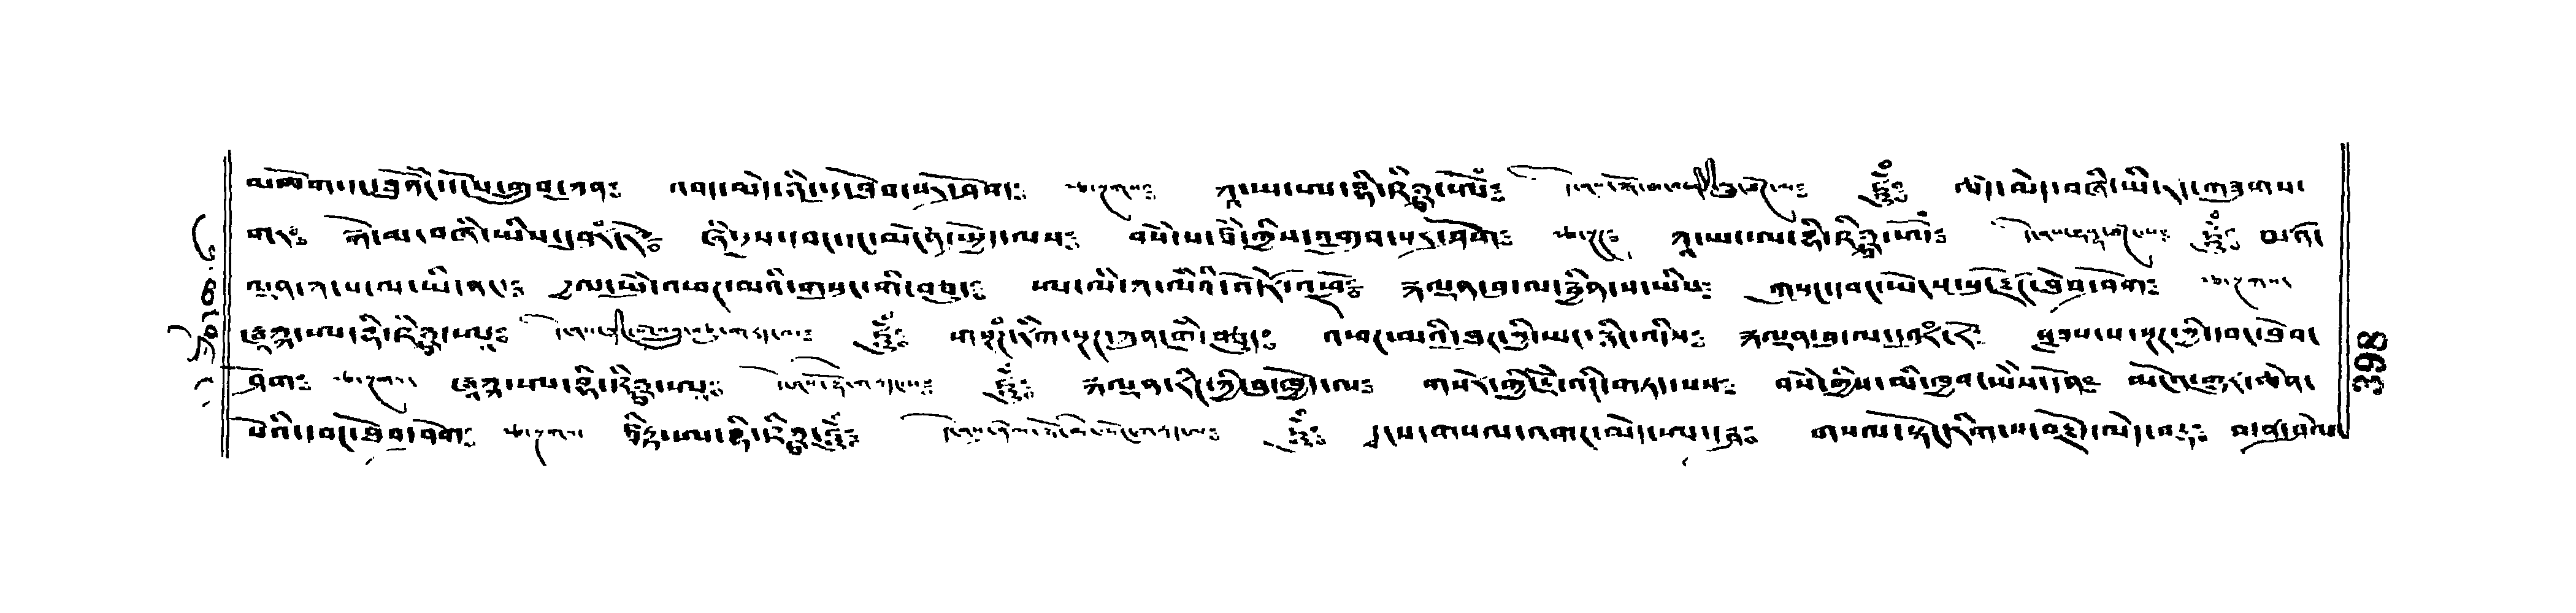མཆོག་དང་ཐུན་མོང་དངོས་གྲུབ་ཀུན༔ འབད་མེད་ཉིད་དུ་ཐོབ་པར་ཤོག༔ རྩ་སྔགས༔ ཀཱ་ཡ་ཨ་བྷི་རིཉྩ་ཨོཾ༔ དེ་ནས་སྒོ་མ་བཞིའི་སྐུ་ཐོགས་ལ༔ ཧཱུྃ༔ ཚད་མེད་བཞི་ཡི་རང་གཟུགས་
གར༔ སྒོ་མ་བཞི་ཡིས་དབང་བསྐུར་རོ༔ ཞི་རྒྱས་དབང་དང་མངོན་སྤྱོད་ལས༔ བསམ་པ་ཙམ་གྱིས་འགྲུབ་པར་ཤོག༔ རྩ་སྔགས༔ ཀཱ་ཡ་ཨ་བྷ་རིཉྩ་ཨོཾ༔ དེ་ནས་བྷནྡྷ་ཐོགས་ལ༔ ཧཱུྃ༔ མཚན་
ལྡན་ཀ་པ་ལ་ཡི་ནང༔ རྒྱལ་ཡུམ་འཕགས་མའི་གསུང་གི་བཅུད༔ ཨ་ལི་ཀ་ལིའི་འོད་ཟེར་འཕྲོ༔སྐལ་ལྡན་བུ་ལ་སྦྱིན་པ་ཡིས༔ གསུང་དབང་ཡོངས་སུ་རྫོགས་ཐོབ་ཤོག༔ རྩ་སྔགས༔ 
ཝཱཀྐ་ཨ་བྷི་རིཉྩ་ཨཱཿ དེ་ནས་སྙིང་པོ་འབྲུ་བཅུ་གཏད་ལ༔ ཧཱུྃཿ གསང་སྔགས་རིག་སྔགས་ཀུན་གྱི་བཅུདཿ འཕགས་མའི་ཐུགས་ཀྱི་ཡང་སྙིང་འདིས༔ སྐལ་ལྡན་བུ་ལ་དབང་བསྐུར་རོ༔ བཟླས་པ་སྔགས་ཀྱི་དབང་ཐོབ་
ཤོག༔ རྩ་སྔགས༔ ཝཱཀྐ་ཨ་བྷི་རིཉྩ་ཨཱཿ དེ་ནས་རྡོ་རྗེ་གཏད་ལ༔ ཧཱུྃ༔ སྐལ་ལྡན་རིགས་ཀྱི་བུ་ཁྱོད་ལ༔ གསེར་གྱི་རྡོ་རྗེ་འདི་གཏད་པས༔ བསམ་གྱིས་མི་ཁྱབ་ཡེ་ཤེས་དོན༔ མངོན་གྱུར་ཆེན་
པོའི་དབང་ཐོབ་ཤོག༔ རྩ་སྔགས༔ ཙིཏྟ་ཨ་བྷི་རིཉྩ་ཧཱུྃ༔ དེ་ནས་ཤེལ་རྡོ་མེ་ལོང་གཏད་ལ༔ ཧཱུྃ༔ དྭངས་གསལ་འགག་མེད་ཨ་དརྴ༔ གསལ་སྟོང་རིག་པ་བརྗོད་མེད་བརྡ༔ མན་ཤེལ་